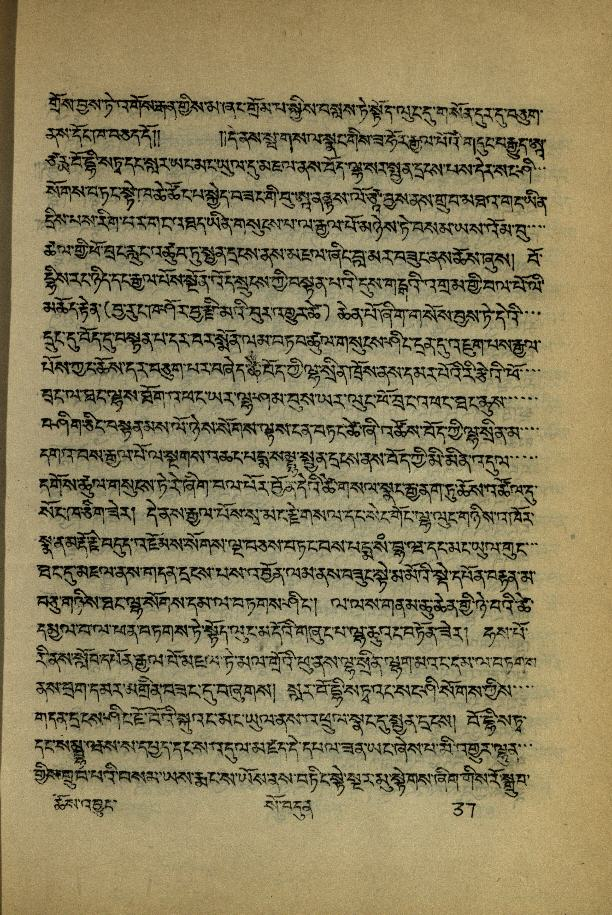གྲོས་བྱས་ཏེ་འགོས་རྒན་གྱིས་མ་ཞང་གྲོམ་པ་སྐྱིས་བསླས་ཏེ་སྟོད་ལུང་དུ་གསོན་དུར་དུ་བཅུག་
ནས་དོང་ཁ་བཅད་དོ།། །།དེ་ནས་སྦ་གསལ་སྣང་གིས་ཟ་ཧོར་རྒྱལ་པོའི་གདུང་བརྒྱུད་ཨཱ་
ཙརྱ་བོ་དྷི་སཏྭ་དང་སླར་ཡང་མང་ཡུལ་དུ་མཇལ་ནས་བོད་ལྷ་སར་སྤྱན་དྲངས་པས་དེར་སང་ཤི་
སོགས་བཏང་སྟེ་ཁ་ཆེ་ཚོང་པ་སྐྱེད་བཟང་གི་བུ་ཨཱ་ནནྟས་ལོ་ཙཱ་བྱས་ནས་གྲུབ་མཐའ་གང་ཡིན་
དྲིས་པས་རིག་པར་གང་འཐད་ཡིན་གསུངས་པ་ལ་རྒྱལ་པོ་མཉེས་ཏེ་བསམ་ཡས་འོམ་བུ་
ཚལ་གྱི་ཕོ་བྲང་རླུང་འཚུབ་ཏུ་སྤྱན་དྲངས་ནས་མཇལ་ཞིང་བླ་མར་བཟུང་ནས་ཆོས་ཞུས། བོ་
དྷིས་རང་ཉིད་དང་རྒྱལ་པོས་སྔོན་འོད་སྲུངས་ཀྱི་བསྟན་པའི་དུས་གངྒའི་འགྲམ་གྱི་བརལ་པོ་ལི་
མཆོད་རྟེན་བྱ་རུང་ཁ་ཤོར་བྱ་རྫི་མར་བུར་འགྱུར་ཚེ་ཆེན་པོ་ཞིག་གསོས་བྱས་ཏེ་དེའི་
དྲུང་དུ་བོད་དུ་བསྟན་པ་དར་བར་སྨོན་ལམ་བཏབ་ཚུལ་གསུངས་ཤིང་དྲན་དུ་འཇུག་པས་རྒྱལ་
པོས་ཀྱང་ཆོས་དར་བཅུག་པར་བཞེད་ཚེ་བོད་ཀྱི་ལྷ་སྲིན་ཁྲོས་ནས་ཡར་དམར་པོའི་རི་རྩེའི་ཕོ་
བྲང་ལ་ཐང་ལྷ་ས་ཐོག་འཕང་ཡར་ལྷ་ཤམ་བུས་ཡར་ལུང་ཕོ་བྲང་འཕང་ཐང་ཆུས་
བཤིག་ཅིང་བསྟན་མས་ལོ་ཉེས་སོགས་ལྟས་ངན་བཏང་ཚེ་ཞི་འཚོས་བོད་ཀྱི་ལྷ་སྲིན་མ་
དགའ་བས་རྒྱལ་པོ་ལ་སྔགས་འཆང་པདམ་སམྦྷ་སྤྱན་དྲངས་ནས་བོད་ཀྱི་མི་མིན་འདུལ་
དགོས་ཚུལ་གསུངས་ཏེ་རེ་ཞིག་བལ་པོར་བྱོན་དེའི་ཚེ་གསལ་སྣང་རྒྱ་ནག་ཏུ་ཆོས་འཚོལ་དུ་
སོང་ཁ་ཅིག་ཟེར། དེ་ནས་རྒྱལ་པོས་སྭ་མང་རྗེ་གསལ་དང་སེང་གོང་ལྷ་ལུང་གཉིས་འཁོར་
སྣ་ནམ་རྡོ་རྗེ་བདུད་འཇོམས་སོགས་ལྔ་བཅས་བཏང་བས་པདམ་སཾ་བྷ་ཝ་དང་མང་ཡུལ་གུང་
ཐང་དུ་མཇལ་ནས་གདན་དྲངས་པས་པའི་བྱོན་ལམ་ནས་བཟུངས་སྟེ་མ་མོའི་སྡེ་དཔོན་བརྟན་མ་
བཅུ་གཉིས་ཐང་ལྷ་སོགས་དམ་ལ་བཏགས་ཤིང་། ལ་ལས་གནམ་ཆུ་ཆེན་གྱི་ཉེ་བའི་ཚེ་
དམྱལ་བ་ལ་ཕན་བཏགས་ཏེ་སྟོད་ལུང་མདོའི་གཞུང་པ་ལྷ་ཆུའང་བཏོན་ཟེར། ཧས་པོ་
རི་ནས་སློབ་དཔོན་རྒྱལ་པོ་མཇལ་ཏེ་མལ་གྲོའི་ཕུ་ནས་ལྷ་སྲིན་ལྷག་མང་འདམ་ལ་བཏགས་
ནས་བྲག་དམར་མགྲིན་བཟང་དུ་བཞུགས། སླར་བོ་དྷི་སཏྭ་འང་སང་ཤི་སོགས་ཀྱིས་
གདན་དྲངས་ཤིང་ཇོ་བོའི་སྐུའང་མང་ཡུལ་ནས་འཕྲུལ་སྣང་དུ་སྤྱན་དྲངས། བོ་དྷི་སྟྭ་
དང་སམྦྷ་ཝས་ས་དཔྱད་དང་ས་འདུལ་མཛད་དེ་དཔལ་ཟན་ཡང་ཞེས་པ་མི་འགྱུར་ལྷུན་
གྱིས་གྲུབ་པའི་བསམ་ཡས་རྨང་ས་ཡོས་ནས་བཏིང་སྟེ་སྔར་མུ་སྟེགས་ཞིག་གིས་རོ་སྒྲུབ་